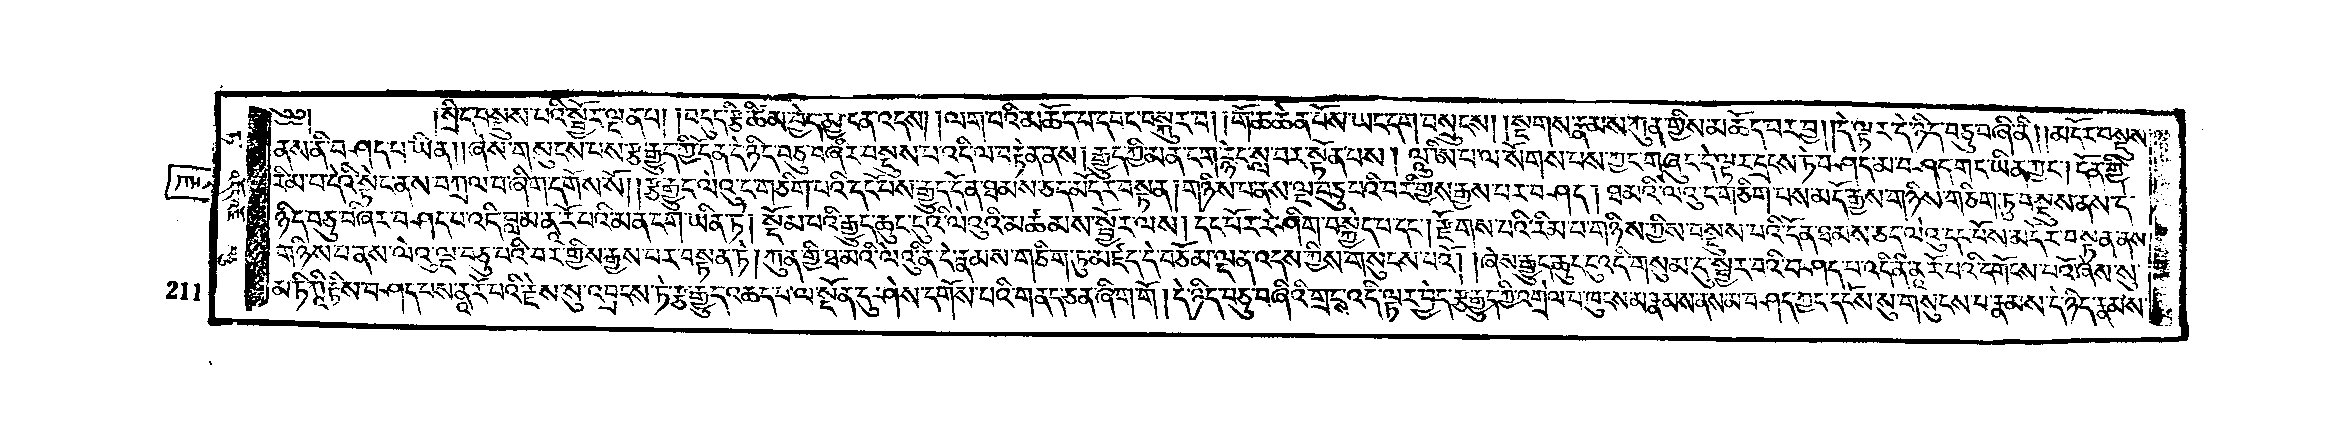༄༅། །སྲིད་བསྡུས་པའི་སྦྱོར་ལྡན་པ། །བདུད་རྩི་ཚིམ་བྱེད་མྱ་ངན་འདས། །ལག་པའི་མཆོད་པ་དབང་བསྐུར་བ། །གོ་ཆ་ཆེན་པོས་ཡང་དག་བསྲུངས། །སྔགས་རྣམས་ཀུན་གྱིས་མཆོད་པར་བྱ། །དེ་ལྟར་དེ་ཉིད་བཅུ་བཞི་ནི། །མདོར་བསྡུས་
ནས་ནི་བཤད་པ་ཡིན། །ཞེས་གསུངས་པས་རྩ་རྒྱུད་ཀྱི་དོན་དེ་ཉིད་བཅུ་བཞིར་བསྡུས་པ་འདི་ལ་བརྟེན་ནས། རྒྱུད་ཀྱི་མན་ངག་རྙེད་སླ་བར་སྟོན་པས། ལཱུ་ཨི་པ་ལ་སོགས་པས་ཀྱང་གཞུང་དེ་ལྟར་དྲངས་ཏེ་བཤད་མ་བཤད་གང་ཡིན་ཀྱང་། དོན་གྱི་
རིམ་པ་དེའི་སྟེང་ནས་བཀྲལ་བ་ཞིག་དགོས་སོ། །རྩ་རྒྱུད་ལེའུ་ང་གཅིག་པའི་དང་པོས་རྒྱུད་དོན་ཐམས་ཅད་མདོར་བསྟན། གཉིས་པ་ནས་ལྔ་བཅུ་པའི་བར་གྱིས་རྒྱས་པར་བཤད། ཐ་མའི་ལེའུ་ང་གཅིག་པས་མདོ་རྒྱས་གཉིས་གཅིག་ཏུ་བསྡུས་ནས་དེ་
ཉིད་བཅུ་བཞིར་བཤད་པ་འདི་བླ་མ་ནཱ་རོ་པའི་མན་ངག་ཡིན་ཏེ། སྡོམ་པའི་རྒྱུད་ཆུང་ངུའི་ལེའུའི་མཚམས་སྦྱོར་ལས། དང་པོར་རེ་ཤིག་བསྐྱེད་པ་དང་། རྫོགས་པའི་རིམ་པ་གཉིས་ཀྱིས་བསྡུས་པའི་དོན་ཐམས་ཅད་ལེའུ་དང་པོས་མདོར་བསྟན་ནས་
གཉིས་པ་ནས་ལེའུ་ལྔ་བཅུ་པའི་བར་གྱིས་རྒྱས་པར་བསྟན་ཏེ། ཀུན་གྱི་ཐ་མའི་ལེའུ་ནི་དེ་རྣམས་གཅིག་ཏུ་མཛད་དེ་བཅོམ་ལྡན་འདས་ཀྱིས་གསུངས་པའོ། །ཞེས་རྒྱུད་ཆུང་ངུ་འདི་གསུམ་དུ་སྦྱར་བའི་བཤད་པ་འདི་ནི་ནཱ་རོ་པའི་དགོངས་པའོ་ཞེས་སུ་
མ་ཏི་ཀཱི་རྟིས་བཤད་པས་ནཱ་རོ་པའི་རྗེས་སུ་འབྲངས་ཏེ་རྩ་རྒྱུད་འཆད་པ་ལ་སྔོན་དུ་ཤེས་དགོས་པའི་གནད་ཅན་ཞིག་གོ །དེ་ཉིད་བཅུ་བཞིའི་གྲངས་འདི་ལྟར་བྱེད་རྩ་རྒྱུད་ཀྱི་འགྲེལ་པ་ཁུངས་མ་རྣམས་ནས་མ་བཤད་ཀྱང་དངོས་སུ་གསུངས་པ་རྣམས་དེ་།འགྲེལ་པ་རྣམས་ནས་གོས་ལ་སྟག་ལྤགས་དང་། གཞལ་ཡས་ཁང་གི་